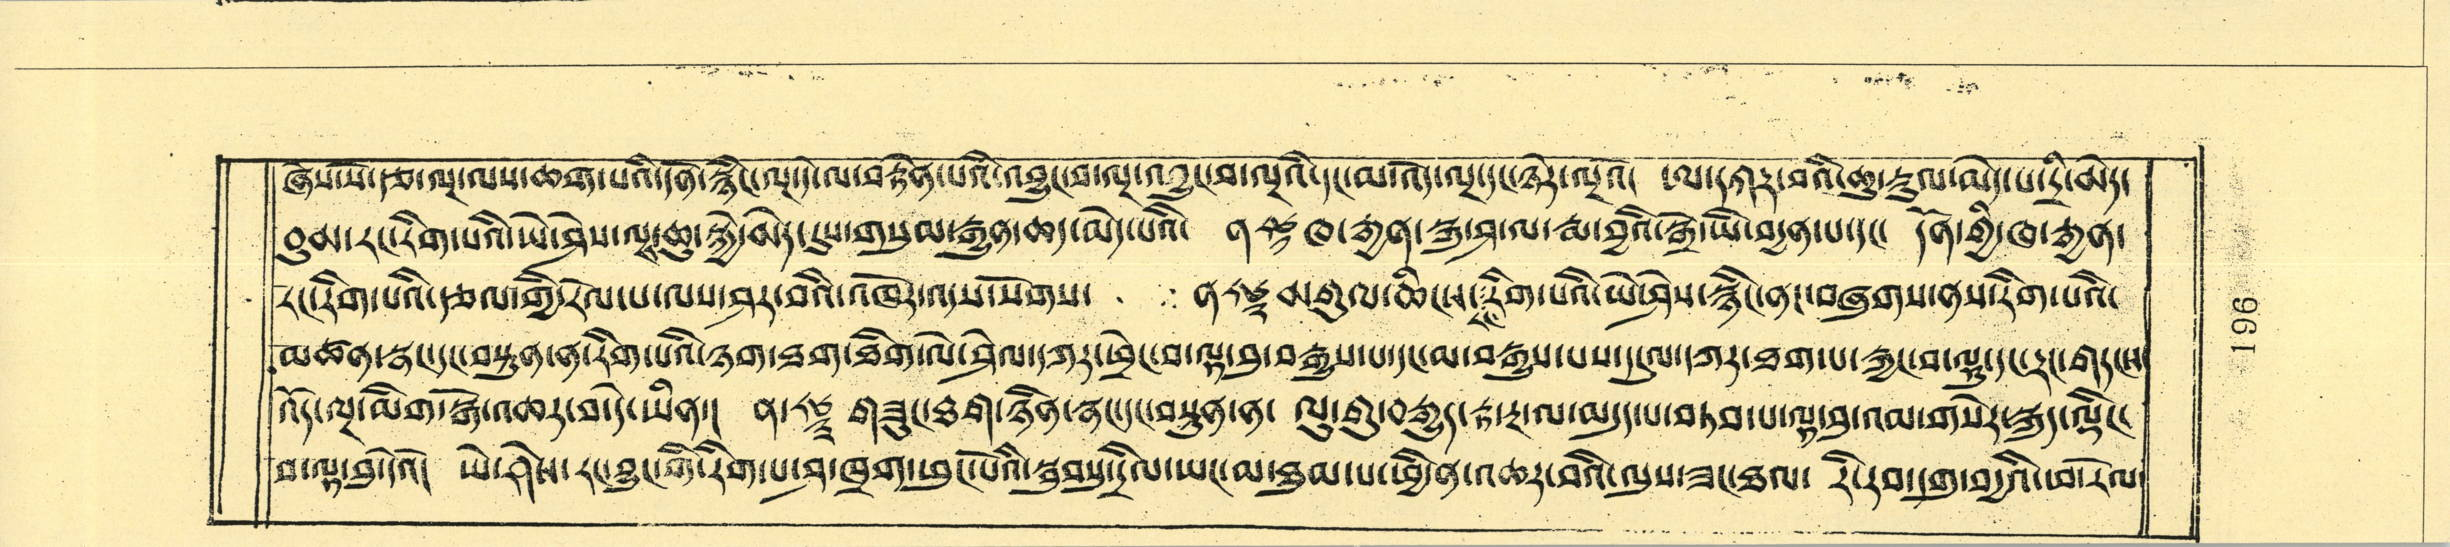ཞེས་སོ། རྩ་ལྔ་ལས་ཆགས་པའི་དོན་སྙིང་ལྔ་དེ་ལ་བརྟེན་པའི་འབྱུང་བ་ལྔའི་དངས་མ་འོད་ལྔ་དང་ཉེར་བརྒྱད་དོ།༼ཨ་དཀར༽བའི་ཆུ་རྡུལ་མེད་པ་དྲི་མེད་
བུམ་རང་རིག་པའི་ཡེ་ཤེས་ལྔར་ཆུ་༼སྐྱེ་མེད༽དུས་གསུམ་རྒྱུན་ཆད་མེད་པའི་ན༨༦།༡༼ཁ་རྒྱན༽སྐུ་ཤ་ལ་རྨ་བྱའི་སྒྲོ་ཡིས་བརྒྱན་པ་དང་༼དོན་གྱི་ཁ་རྒྱན༽
རང་རིག་པའི་རྩལ་གྱི་རོལ་པ་ལས་ཤར་བའི་འཁོར་འདས་སོགས་ན༨༦།༢༼འགུལ་ཆིངས༽རང་རིག་པའི་ཡེ་ཤེས་སྙིང་ནང་ཞུགས་ནས་རིག་པའི་
མཚན་སྣང་དང་བསྟུན་ན་རིག་པའི་ཉག་ཐག་ཐིག་ལེ་ཤེལ་དཀར་ཕྲེང་བ་ལྟ་བུ་བརྒྱུས་པ་དང་མ་བརྒྱུས་པས་དངུལ་དཀར་ཐག་པ་རྐྱང་པ་ལྟ་བུ་དང་༼རང་གདངས་
འོད་ལྔ༽མིག་སྒོ་འཆར་བ་དེ་ཡིན། ན༨༦།༣༼གཟུང་ཐག༽ཉིན་སྣང་དང་བསྟུན་ན་༼ལུ་གུ་རྒྱུད༽རྟ་རྔ་ལ་མདུད་པ་བཏབ་པ་ལྟ་བུའམ་གསེར་སྐུད་ལྡིང་
བ་ལྟ་བུ་དེའོ།༼ཡེ་ཤེས༽རང་བྱུང་གི་རིག་པ་ཤ་ཁྲག་ཕུང་པོའི་སྦུབས་སུ་དྲིལ་ཡང་མ་ཐུམ་པ་ཕྱི་ན་འཆར་བའི་ལུས་ཟང་ཐལ་རི་རབ་དགུ་བརྒྱའི་ཕ་རོལ་